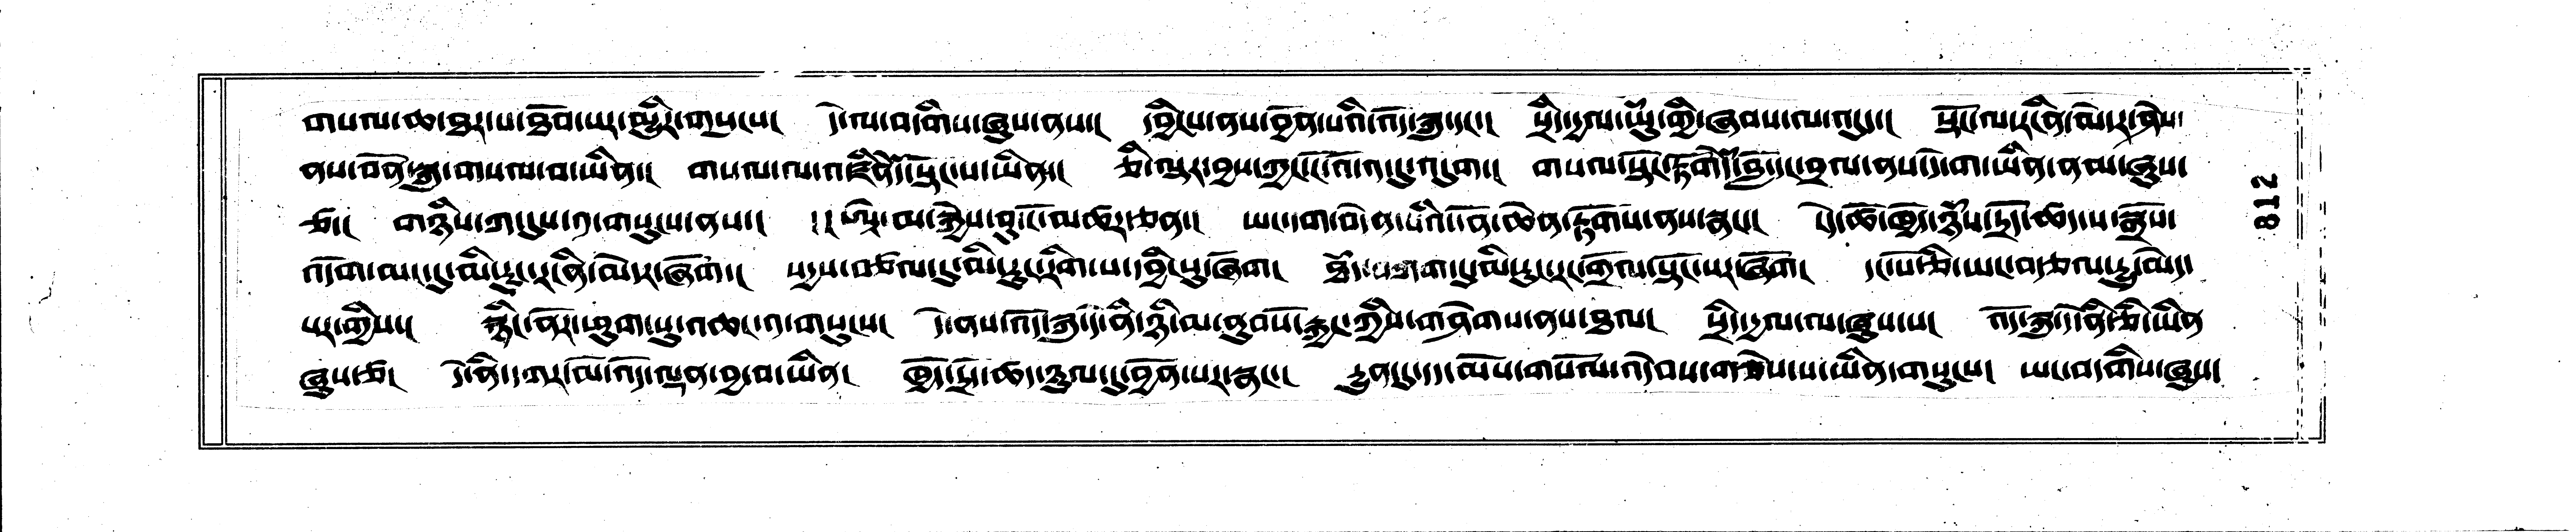གསལ་ཆས་ཐར་པ་ཐོབ་པར་མི་འགྱུར་གསུངས། དེ་ལ་བདག་གིས་ཞུས་ནས། དབྱིངས་ནས་བྱོན་པའི་འོད་སྐུ་དང་། །སྲིད་རྒྱལ་ཡུམ་གྱི་ཞབས་ལ་འདུད། སྟོང་ལ་རང་མེད་་ཤེས་
ནས་བོན་སྐུ་གསལ་བ་ཡིན། གསལ་ལ་འཛིན་མེད་སྟོང་པ་ཡིན། ཇི་ལྟར་བྱས་ཀྱང་ངོའོ་གཅིག་ཏུ་འདུག གསལ་སྟོང་རྟོག་མེད་བློ་དང་བྲལ་ནས་དེ་ག་ཡིན་ནམ་ཞུས་
ཙ། གཉིས་ཀ་དུས་གཅིག་གསུངས་ནས། ཨེ་མ་སྐྱེས་བུ་ངོ་མཚར་ཅན། །ཡང་དག་བདེན་པའི་དོན་ཆེན་རྟོགས་ནས་སྣང་། ངེད་ཚོ་ཁྱོད་ཉམས་དྲོད་ཚད་ས་༼ལ༽སྒྲོས་
འདོགས་མང་དུ་མི་རུང་རང་བཞིན་མེད་པར་ཞོག སངས་རྒྱས་བཙལ་དུ་མི་རུང་རིག་པ་དབྱིངས་སུ་ཞོག ཐམས་ཅད་བཀག་ཏུ་མི་རུང་རང་གྲོལ་སྟོང་པར་ཞོག དང་པོ་ཅི་ཡང་བརྩལ་མེད
་པར་གྱིས། སྙིང་ནོར་ཕུགས་སུ་འཆང་ཞིག་གསུངས། དེ་ནས་འོད་སྐུ་དེ་ནི་ཉི་མ་ནུབ་ཕྱོགས་རྐྱང་༼རྒྱང༽གིས་གཤེགས་ནས་ཐལ། སྲིད་རྒྱལ་ལ་ཞུས་པ། འོད་སྐུ་དེ་ནི་ཅི་ཡིན་
ཞུས་ཙ། དེ་ནི་དཀར་མོ་འོད་ལྡན་བྱ་བ་ཡིན། ཁྱོད་དྲོད་ཚད་ཉུལ་དུ་བྱོན་པར་སྣང་། རྒྱུན་དུ་དད་མོས་གསོལ་འདེབས་གཅེས་པ་ཡིན་གསུངས། ཡང་བདག་གིས་ཞུས་